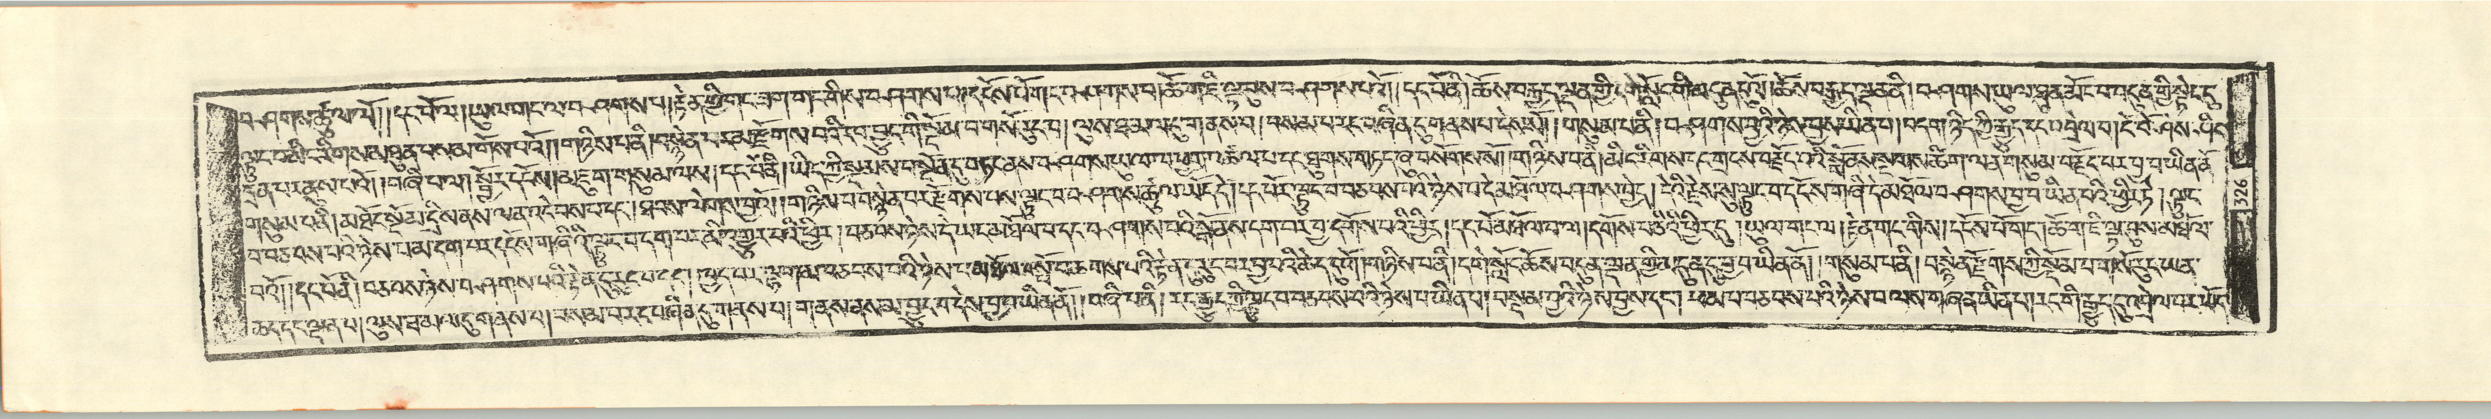བཤགས་ཚུལ་ལོ། །དང་པོ་ལ། ཡུལ་གང་ལ་བཤགས་པ། རྟེན་གྱི་གང་ཟག་གང་གིས་བཤགས་པ། དངོས་པོ་གང་བཤགས་བ། ཆོ་ག་ཇི་ལྟ་བུས་བཤགས་པའོ། །དང་པོ་ནི། ཆོས་བརྒྱད་ལྡན་གྱི་དགེ་སློང་གི་མདུན་དུའོ། ཆོས་བརྒྱད་ལྡན་ནི། བཤགས་ཡུལ་ཐུན་མོང་བ་བདུན་གྱི་སྟེང་དུ་
ལྟུང་བ་མིང་རིགས་མཐུན་བསམ་གོས་པའོ། །གཉིས་པ་ནི། བསྙེན་པར་མ་རྫོགས་པའི་རབ་བྱུང་གི་སྡོམ་པ་གསོ་རུང་བ། ལུས་ཐ་མལ་དུ་གནས་པ། བསམ་པ་རང་བཞིན་དུ་གནས་པ་དེས་སོ། །གསུམ་པ་ནི། བཤགས་བྱའི་ཉེས་བྱས་ཡིན་པ། བདག་ཉིད་ཀྱི་རྒྱུད་དང་འབྲེལ་བ། ངོ་བོ་ཤེས་ཤིང་
དྲན་པར་ནུས་པའོ། །བཞི་པ་ལ། སྦྱོར་དངོས། མཇུག་གསུམ་ལས། དང་པོ་ནི། ཡིད་ཀྱི་སྡམས་པ་སྔོན་དུ་བཏང་ནས་བཤགས་ཡུལ་ལ་ཕྱག་འཚལ་པ་དང་ཐུགས་གཏད་ཞུ་བསོགས་སོ། །གཉིས་པ་ནི། མིང་རིགས་དང་གྲངས་བརྗོད་པའི་སྒོ་ནས་སྔགས་ཚིག་ལན་གསུམ་བརྗོད་པར་བྱ་བ་ཡིན་ནོ་
གསུམ་པ་ནི། མཐོང་སྡོམ་དྲིས་ནས་ལན་འདེབས་པ་དང་། ཐབས་ལེགས་བྱའོ། །གཉིས་པ་བསྙེན་པར་རྫོགས་པས་ལྟུང་བ་བཤགས་ཚུལ་ཡོད་དེ། དང་པོར་ལྟུང་བ་བཅབས་པའི་ཉེས་པ་དེ་མཐོལ་བཤགས་བྱེད། དེའི་རྗེས་སུ་ལྟུང་བ་དངོས་བཞི་དེ་མཐོལ་བཤགས་བྱ་བ་ཡིན་པའི་ཕྱིར་ཏེ། ལྟུང་
བ་བཅབས་པའི་ཉེས་པ་མ་དག་པར་དངོས་གཞིའི་ལྟུང་བ་དག་པར་མི་འགྱུར་བའི་ཕྱིར། བཅབས་ཉེས་དེ་ཡང་མཐོལ་བ་དང་བཤགས་པའི་སྒོ་ནས་དག་པར་བྱ་དགོས་པའི་ཕྱིར། དང་པོ་མཐོལ་བ་ལ། དགོས་པ་ཅིའི་ཕྱིར་དུ། ཡུལ་གང་ལ། རྟེན་གང་གིས། དངོས་པོ་གང་། ཆོ་ག་ཇི་ལྟ་བུས་མཐོལ་
བའོ། །དང་པོ་ནི། བཅབས་ཉེས་བཤགས་པའི་རྟེན་དུ་རུང་བ་དང་། ཁྱད་པར་ལྷག་མ་བཅབས་པའི་ཉེས་པ་མཐོལ་བ་སྤོ་བ་ཆགས་པའི་རྟེན་དུ་རུང་བར་བྱ་བའི་ཆེད་དུའོ། །གཉིས་པ་ནི། དགེ་སློང་ཆོས་བདུན་ལྡན་གྱི་མདུན་དུ་བྱ་བ་ཡིན་ནོ། །གསུམ་པ་ནི། བསྙེན་རྫོགས་ཀྱི་སྡོམ་པ་གསོ་རུང་ཡན་
ཆད་དང་ལྡན་པ། ལུས་ཐ་མལ་དུ་གནས་པ། བསམ་པ་རང་བཞིན་དུ་གནས་པ། གནས་ནས་མ་བྱུང་བ་དེས་བྱ་བ་ཡིན་ནོ། །བཞི་པ་ནི། རང་རྒྱུད་ཀྱི་ལྟུང་བ་བཅབས་པའི་ཉེས་པ་ཡིན་པ། བསྡམ་བྱའི་ཉེས་བྱས་དང་། ཕམ་པ་བཅབས་པའི་ཉེས་པ་ལས་གཞན་ཡིན་པ། རང་གི་རྒྱུད་དུ་འབྲེལ་པར་ཡོད་